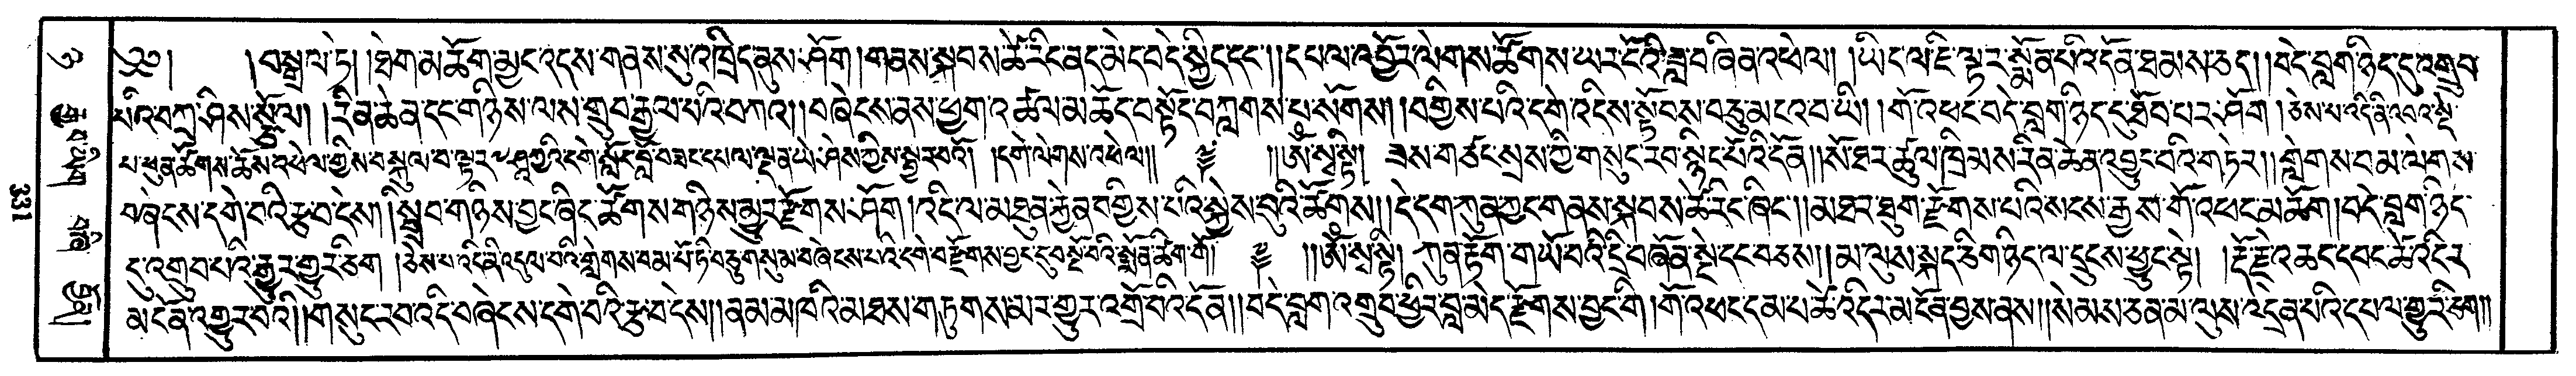༄༅། །བསྒྲལ་ཏེ། །ཐེག་མཆོག་མྱང་འདས་གནས་སུ་འཁྲིད་ནུས་ཤོག །གནས་སྐབས་ཚེ་རིང་ནད་མེད་བདེ་སྐྱིད་དང་། །དཔལ་འབྱོར་ལེགས་ཚོགས་ཡར་ངོའི་ཟླ་བཞིན་འཕེལ། །ཡིད་ལ་ཇི་ལྟར་སྨོན་པའི་དོན་ཐམས་ཅད། །བདེ་བླག་ཉིད་དུ་འགྲུབ་
པའི་བཀྲ་ཤིས་སྩོལ། །རིན་ཆེན་དང་གཉིས་ལས་གྲུབ་རྒྱལ་བའི་བཀའ། །བཞེངས་ནས་ཕྱག་འཚལ་མཆོད་བསྟོད་བཀླགས་པ་སོགས། །བགྱིས་པའི་དགེ་འདིས་སྟོབས་བཅུ་མངའ་བ་ཡི། །གོ་འཕང་བདེ་བླག་ཉིད་དུ་ཐོབ་པར་ཤོག །ཅེས་པ་འདི་ནི་འབའ་སྣེ་
པ་ཕུན་ཚོགས་ཆོས་འཕེལ་གྱིས་བསྐུལ་བ་ལྟར ༧ཤཱཀྱའི་དགེ་སློང་བློ་བཟང་དཔལ་ལྡན་ཡེ་ཤེས་ཀྱིས་སྦྱར་བའོ། །དགེ་ལེགས་འཕེལ།། ༈ །།ཨོཾ་སྭསྟི། ཟས་གཙང་སྲས་ཀྱི་གསུང་རབ་སྙིང་པོའི་དོ་ན། །སོ་ཐར་ཚུལ་ཁྲིམས་རིན་ཆེན་འབྱུང་བའི་གཏེར། །གླེགས་བམ་ལེགས་
བཞེངས་དགེ་བའི་རྩ་བ་ངེས། །སྒྲིབ་གཉིས་བྱང་ཞིང་ཚོགས་གཉིས་མྱུར་རྫོགས་ཤོག །འདི་ལ་མཐུན་རྒྱན་བགྱིས་པའི་སྐྱེས་བུའི་ཚོགས། །དེ་དག་ཀུན་ཀྱང་གནས་སྐབས་ཚེ་རིང་ཞིང་། །མཐར་ཐུག་རྫོགས་པའི་སངས་རྒྱས་གོ་འཕང་མཆོག །བདེ་བླག་ཉིད་
དུ་འགྲུབ་པའི་རྒྱུར་གྱུར་ཅིག་།ཅེས་པ་འདི་ནི་འདུལ་བའི་གླེགས་བམ་པོ་ཏི་བཅུ་གསུམ་བཞེངས་པའི་དགེ་བ་རྫོགས་བྱང་དུ་བསྔོ་བའི་སྨོན་ཚིག་གོ།  ༈ །།ཨོཾ་སྭསྟི། ཀུན་རྟོག་གཡོ་བའི་དྲི་བཞོན་སྡེ་དང་བཅས། །མ་ལུས་སྐད་ཅིག་ཉིད་ལ་དྲུངས་ཕྱུང་སྟེ། །རྡོ་རྗེ་འཆང་དབང་ཚེ་འདིར་
མངོན་འགྱུར་བའི། །གསུང་རབ་འདི་བཞེངས་དགེ་བའི་རྩ་བ་དེས། །ནམ་མཁའི་མཐས་གཏུགས་མར་གྱུར་འགྲོ་བའི་དོན། །བདེ་བླག་འགྲུབ་ཕྱིར་བླ་མེད་རྫོགས་བྱང་གི །གོ་འཕང་དམ་པ་ཚེ་འདིར་མངོན་བྱས་ནས། །སེམས་ཅན་མ་ལུས་འདྲེན་པའི་དཔལ་གྱུར་ཅིག་